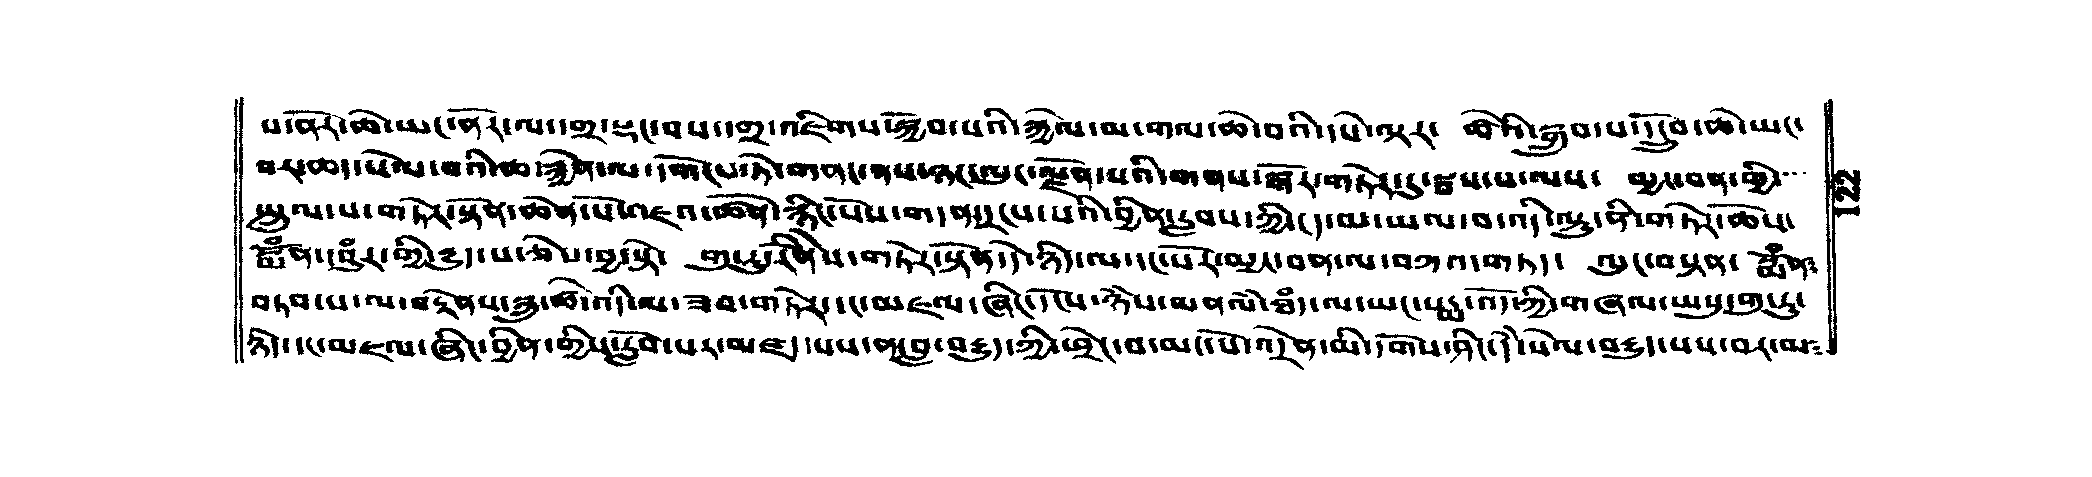པ་ནོར་ཆེ་ཡང་ནོར་ལ་དགྲ་སྡང་བས་དགྲ་འཇིགས་སྐྱོབ་པའི་སྐྱལ་མ་གལ་ཆེ་བའི་དཔེ་ལྟར། ཚེའི་སྒྲུབ་པ་དངོས་གྲུབ་ཆེ་ཡང་
བར་ཆད་སེལ་བའི་ཆ་རྐྱེན་ལ་དགོངས་ཏེ་གནང་ནས་ཉགས་ལུང་ལྗོན་པའི་གནས་སྒོར་གཏེར་དུ་སྦས་པ་ལས། མྱང་བན་གྱི་
སྤྲུལ་པ་གཏེར་སྟོན་ཆེན་པོ་འཇའ་ཚོན་སྙིང་པོ་གདན་དྲངས་པའི་བྱིན་རླབས་ཀྱི་ངད་མ་ཡལ་བ་འདི་ལྟ་བུ་ནི་གཏེར་ཆོས་
སྨོན་ལམ་དབང་བསྐུར་གྱི་རྒྱུད་པ་ཅེས་བྱ་སྟེ།གུ་རུ་རིན་པོ་ཆེས་གཏེར་སྟོན་དེ་ཉིད་ལ་དང་པོར་མྱང་བན་ལ་བཀའ་གཏད། ལུང་བསྟན། སྨོན་ལམ་
བཏབ་པ་ལ་བརྟེན་ནས་སྐུ་ཚེ་འདི་ལ་ཟབ་གཏེར་དང་མཇལ་ཞིང་དངོས་ཉམས་མནལ་ལམ་ཐམས་ཅད་ལ་ཡང་པདྨ་འོད་ཀྱི་གཞལ་ཡས་སུ་གུ་རུ་
ཉིད་དང་མཇལ་ཞིང་བྱིན་གྱིས་རློབ་པར་མཛད་པས་ན་བླ་རྒྱུད་ཀྱི་ཕྲེང་བ་མང་པོ་འདྲེན་མི་དགོས་ཤིང་དམ་སེལ་བརྒྱུད་པས་བར་མ་